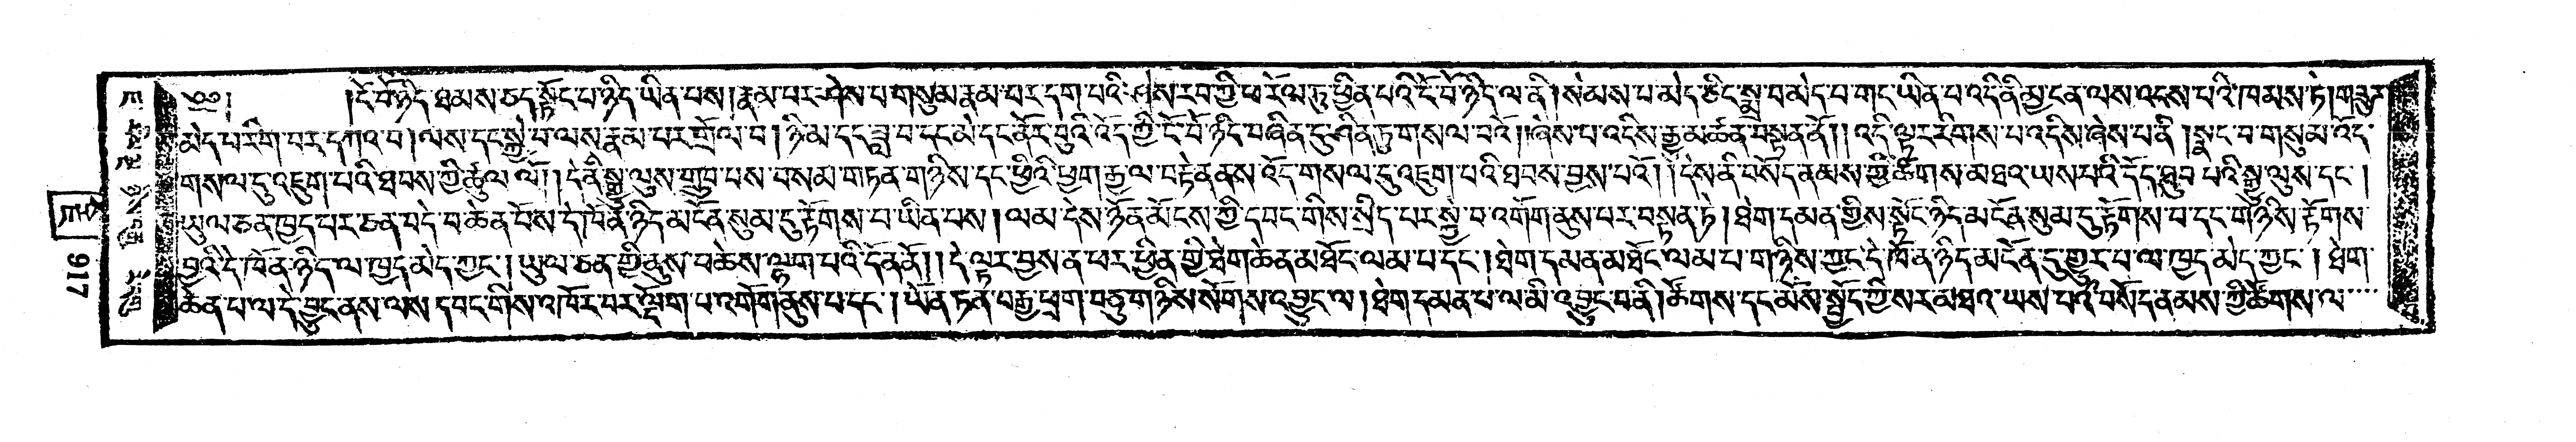༄༅། །ངོ་བོ་ཉིད་ཐམས་ཅད་སྟོང་པ་ཉིད་ཡིན་པས། རྣམ་པར་ཤེས་པ་གསུམ་རྣམ་པར་དག་པའི་ཤེས་རབ་ཀྱི་ཕ་རོལ་ཏུ་ཕྱིན་པའི་ངོ་བོ་ཉིད་ལ་ནི། སེམས་པ་མེད་ཅིང་སྨྲ་བ་མེད་པ་གང་ཡིན་པ་འདི་ནི་མྱ་ངན་ལས་འདས་པའི་ཁམས་ཏེ། གཟུགས་
མེད་པ་རིག་པར་དཀའ་བ། ལས་དང་སྐྱེ་བ་ལས་རྣམ་པར་གྲོལ་བ། ཉི་མ་དང་ཟླ་བ་དང་མེ་དང་ནོར་བུའི་འོད་ཀྱི་ངོ་བོ་ཉིད་བཞིན་དུ་ཤིན་ཏུ་གསལ་བའོ། །ཞེས་པ་འདིས་རྒྱུ་མཚན་བསྟན་ནོ། །འདི་ལྟར་རིགས་པ་འདིས་ཞེས་པ་ནི། སྣང་བ་གསུམ་འོད་
གསལ་དུ་འཇུག་པའི་ཐབས་ཀྱི་ཚུལ་ལོ། །དེ་ནི་སྒྱུ་ལུས་གྲུབ་པས་བསམ་གཏན་གཉིས་དང་ཕྱིའི་ཕྱག་རྒྱ་ལ་བརྟེན་ནས་འོད་གསལ་དུ་འཇུག་པའི་ཐབས་བྱས་པའོ། །དེས་ནི་བསོད་ནམས་ཀྱི་ཚོགས་མཐའ་ཡས་པའི་དོད་ཐུབ་པའི་སྒྱུ་ལུས་དང་།
ཡུལ་ཅན་ཁྱད་པར་ཅན་བདེ་བ་ཆེན་པོས་དེ་ཁོ་ན་ཉིད་མངོན་སུམ་དུ་རྟོགས་པ་ཡིན་པས། ལམ་དེས་ཉོན་མོངས་ཀྱི་དབང་གིས་སྲིད་པར་སྐྱེ་བ་འགོག་ནུས་པར་བསྟན་ཏེ། ཐེག་དམན་གྱིས་སྟོང་ཉིད་མངོན་སུམ་དུ་རྟོགས་པ་དང་གཉིས་རྟོགས་
བྱའི་དེ་ཁོ་ན་ཉིད་ལ་ཁྱད་མེད་ཀྱང་། ཡུལ་ཅན་གྱི་ནུས་པ་ཆེས་ལྷག་པའི་དོན་ནོ། །དེ་ལྟར་བྱས་ན་ཕར་ཕྱིན་གྱི་ཐེག་ཆེན་མཐོང་ལམ་པ་དང་། ཐེག་དམན་མཐོང་ལམ་པ་གཉིས་ཀྱང་དེ་ཁོ་ན་ཉིད་མངོན་དུ་གྱུར་པ་ལ་ཁྱད་མེད་ཀྱང་། ཐེག་
ཆེན་པ་ལ་དེ་བྱུང་ནས་ལས་དབང་གིས་འཁོར་བར་ལྡོག་པ་འགོག་ནུས་པ་དང་། ཡོན་ཏན་བརྒྱ་ཕྲག་བཅུ་གཉིས་སོགས་འབྱུང་ལ། ཐེག་དམན་པ་ལ་མི་འབྱུང་བ་ནི། ཚོགས་དང་མོས་སྤྱོད་ཀྱི་སར་མཐའ་ཡས་པའི་བསོད་ནམས་ཀྱི་ཚོགས་ལ་